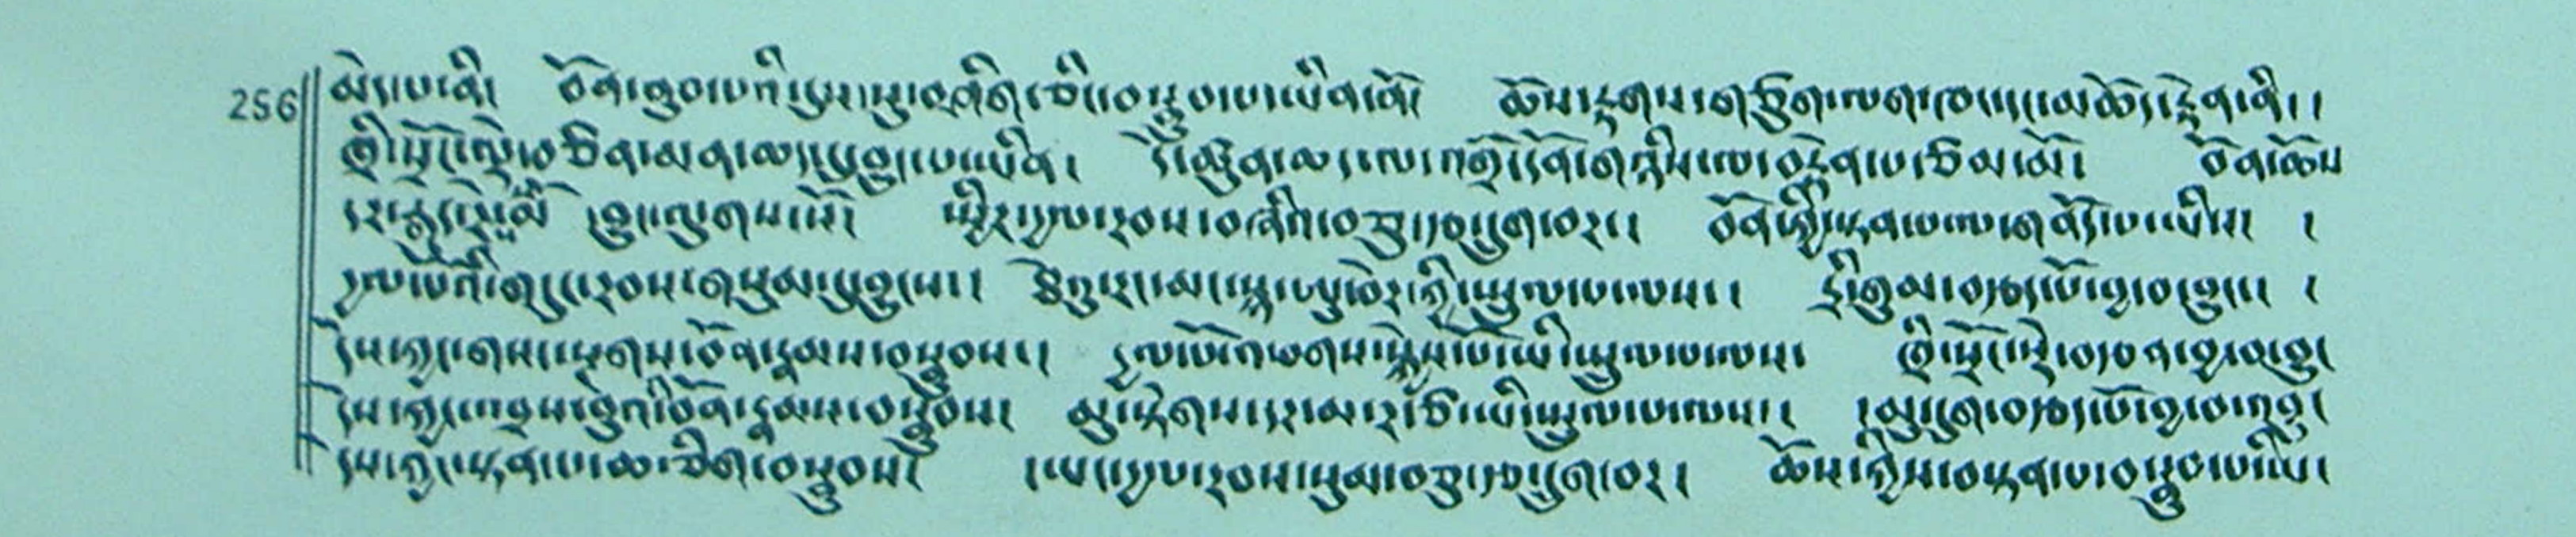མེད་པ་ནི། བོན་བསྣུབ་པའི་དུས་སུ་བཤིག་ཅིང་བསྣུབ་པ་ཡིན་ནོ། །ཆོས་རྟགས་གཙུག་ལག་ཁང་དང་མཆོད་རྟེན་ནི། 
ཁྲི་སྲོང་ལྡེ་བཙན་མན་ཆད་དུ་བྱུང་བ་ཡིན་ནོ། །དེ་ཚུན་ཆད་ལ་འགྲོ་དོན་གཉིས་ལ་བརྟེན་པ་ཙམ་མོ། །བོན་ཆོས་
དར་རྒུད་རེས་མོས་བྱུང་ལུགས་སོ། །སྤྱིར་རྒྱལ་རབས་བཞི་བཅུ་རྩ་དྲུག་བར། བོན་གྱི་བསྟན་པ་ལ་གནོད་པ་ཡིས། 
རྒྱལ་བོའི་གདུང་རབས་གསུམ་དུ་བྱུངས། །ཐེའུ་རང་མང་སྙ་ཨུ་བེར་གྱི་སྤྲུལ་པ་ལས། གྲི་ཀུམ་བཙན་པོ་བྱ་བ་བྱུང་། 
དེས་ཀྱང་གསང་སྔགས་བོན་རྣམས་བསྣུབས། རྒྱལ་བོ་འཕགས་སྐྱེས་པོ་ཡི་སྤྲུལ་པ་ལས། ཁྲི་སྲོང་ལྡེ་བཙན་བྱ་བ་བྱུང་། 
དེས་ཀྱང་འབྲས་བུའི་བོན་རྣམས་བསྣུབས། མུ་སྟེགས་དར་མ་ར་ཙའི་སྤྲུལ་པ་ལས། མུ་དུག་བཙད་པོ་བྱ་བ་འབྱུང་། 
དེས་ཀྱང་བསྟན་པ་ཆ་གཅིག་བསྣུབས། ཡང་རྒྱལ་རབས་སུམ་བཅུ་རྩ་དྲུག་བར། ཆོས་ཀྱིས་བསྟན་པ་བསྣུབས་པ་ཡིས།